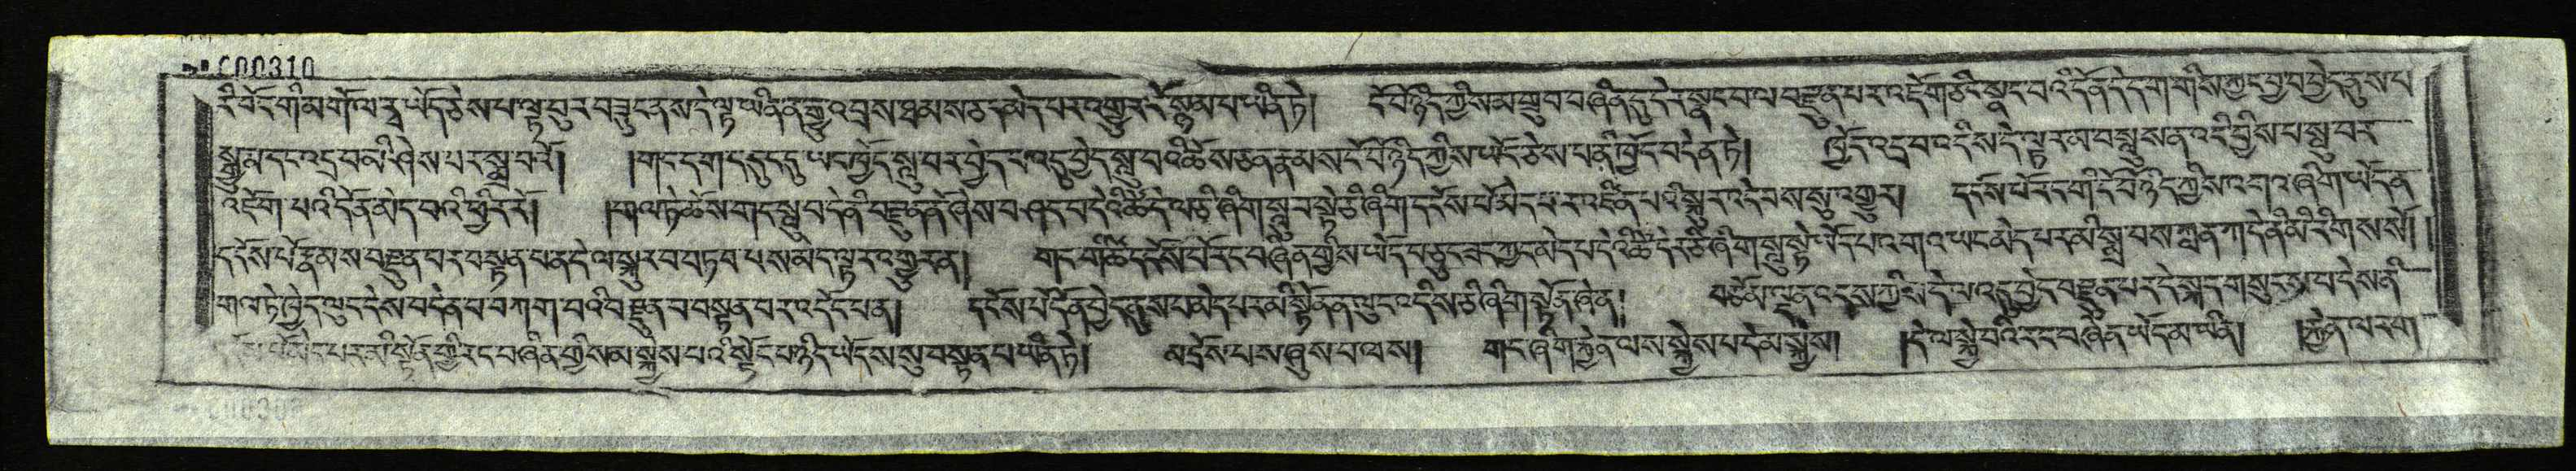རི་བོང་གི་མགོ་ལ་རྭ་ཡོད་ཅེས་པ་ལྟ་བུར་བཟུང་ནས་དེ་ལྟ་ཡིན་ན་རྒྱུ་འབྲས་ཐམས་ཅད་མེད་པར་འགྱུར་རོ་སྙམ་པ་ཡིན་ཏེ། ངོ་བོ་ཉིད་ཀྱིས་མ་གྲུབ་བཞིན་དུ་དེར་སྣང་བ་ལ་བརྫུན་པར་འཇོག་ཅིང་སྣང་བའི་དོན་དེ་དག་གིས་ཀྱང་བྱ་བ་བྱེད་ནུས་པ་
སྒྱུ་མ་དང་འདྲ་བ་མི་ཤེས་པར་སྨྲ་བའོ། །གང་དག་ད་དུང་དུ་ཡང་ཁྱོད་སླུ་བར་བྱེད་པ་འདུ་བྱེད་སླུ་བའི་ཆོས་ཅན་རྣམས་ངོ་བོ་ཉིད་ཀྱིས་ཡོད་ཅེས་པ་ནི་ཁྱོད་བདེན་ཏེ། ཁྱོད་འདྲ་བ་འདིས་དེ་ལྟར་མ་བསླུས་ན་འདི་བྱིས་པ་སླུ་བར་
འཇོག་པའི་དོན་མེད་པའི་ཕྱིར་རོ། །གལ་ཏེ་ཆོས་གང་སླུ་བ་དེ་ནི་བརྫུན་ནོ་ཞེས་བཤད་པ་དེའི་ཚེ་དེ་ལ་ཅི་ཞིག་སླུ་བ་སྟེ་ཅི་ཞིག་དངོས་པོ་མེད་པར་འཛིན་པའི་སྐུར་འདེབས་སུ་འགྱུར། དངོས་པོ་རང་གི་ངོ་བོ་ཉིད་ཀྱིས་འགའ་ཞིག་ཡོད་ན་
དངོས་པོ་རྣམས་བརྫུན་པར་བསྟན་པ་ན་དེ་ལ་སྐུར་བ་བཏབ་པས་མེད་ལྟར་འགྱུར་ན། གང་གི་ཚེ་དངོས་པོ་རང་བཞིན་གྱིས་ཡོད་པ་ཅུང་ཟད་ཀྱང་མེད་པ་དེའི་ཚེ་དེར་ཅི་ཞིག་སླུ་སྟེ་ཡོད་པ་འགའ་ཡང་མེད་པར་མི་སྨྲ་བས་ཀླན་ཀ་དེ་ནི་མི་རིགས་སོ། །
གལ་ཏེ་ཁྱེད་ལུང་དེས་བདེན་པ་བཀག་པའི་བརྫུན་པ་བསྟན་པར་འདོད་པ་ན། དངོས་པོ་དོན་བྱེད་ནུས་པ་མེད་པར་མི་སྟོན་ན་ལུང་འདིས་ཅི་ཞིག་སྟོན་ཞེ་ན། བཅོམ་ལྡན་འདས་ཀྱིས་དེ་ལ་འདུ་བྱེད་བརྫུན་པར་དེ་སྐད་གསུངས་པ་དེས་ནི་
དངོས་པོ་མེད་པར་མི་སྟོན་གྱི་རང་བཞིན་གྱིས་མ་སྐྱེས་པའི་སྟོང་པ་ཉིད་ཡོངས་སུ་བསྟན་པ་ཡིན་ཏེ། མ་དྲོས་པས་ཞུས་པ་ལས། གང་ཞིག་རྐྱེན་ལས་སྐྱེས་པ་དེ་མ་སྐྱེས། །དེ་ལ་སྐྱེ་བའི་རང་བཞིན་ཡོད་མ་ཡིན། །རྐྱེན་ལ་རག་